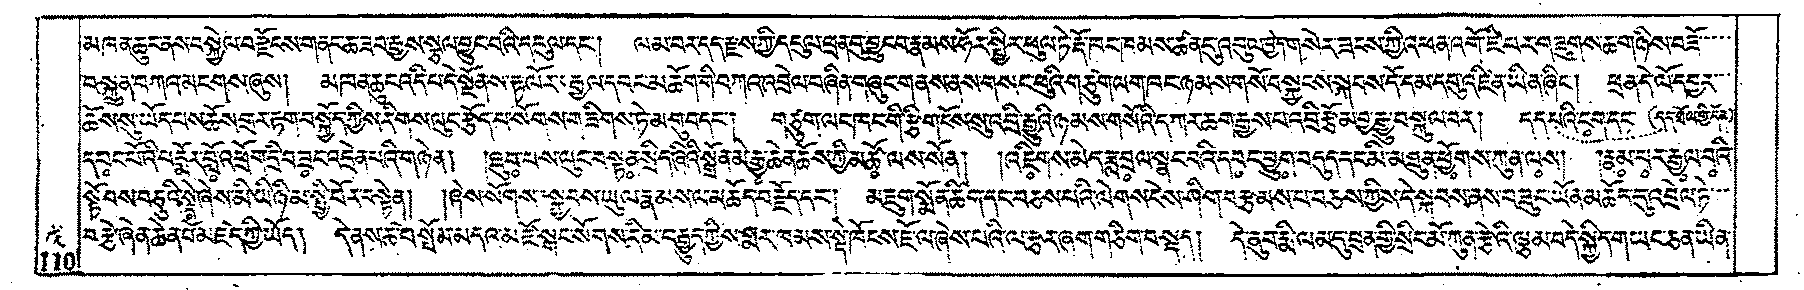མཁན་ཆུང་ནས་བསྐྱེལ་བརྫོངས་གནང་ཆ་ཟབ་རྒྱས་སྩལ་བྱུང་བའི་དངུལ་དང་། ལམ་བར་དད་རྫས་ཀྱི་དངུལ་ཕྲན་བུ་བྱུང་བ་རྣམས་ཧོར་སྤྱིར་ཕུལ་ཏེ་རྡོ་ཁང་ཁམས་ཚན་དུ་འབུལ་བྱེད་གསེར་ཟངས་ཀྱི་འཕན་འགོ་ཛི་པར་གཟུགས་ཆ་གཉིས་བཟོ་
བསྐྲུན་བཀའ་མངགས་ཞུས། མཁན་ཆུང་འདི་པ་དེ་སྔོན་ས་རྟ་ལོར་༧རྒྱལ་དབང་མཆོག་གི་བཀའ་འབྲེལ་བཞིན་གཞུང་གནས་ནས་གསང་ཕུའི་གཙུག་ལག་ཁང་ཉམས་གསོ་བསྐྱངས་སྐབས་དོ་དམ་དབུ་འཛིན་ཡིན་ཞིང་། ཕྲན་དེ་ལོ་དབྱར་
ཆོས་སུ་ཡོད་པས་ཆོས་གྲར་རྟག་བསྐྱོད་ཀྱིས་རིགས་ལུང་རྩོད་པ་སོགས་གཟིགས་ཏེ་མགུ་བ་དང་། གཙུག་ལག་ཁང་གི་རྩིག་ངོས་སུ་འབྲི་རྒྱུའི་ཉམས་གསོའི་དཀར་ཆག་རྒྱས་པ་འབྲི་རྩོམ་བྱ་རྒྱུ་བསྐུལ་བར། དད་པའི་ངག་དང་དད་གྲོལ་གྱི་དོན
དབང་པོའི་པདམོར་བློ་འཕྲོག་དྲི་བཟང་འདྲེན་པའི་གཉེན། །ཐུབ་པས་ལུང་བསྟན་སྲིད་ཞིའི་སྒྲོན་མེ་རྒྱ་ཆེན་ཆོས་ཀྱི་མཚོ་ལས་སོན། །འཇིགས་མེད་ཟླ་བྲལ་སྣང་བའི་དབང་ཕྱུག་བདུད་དང་མི་མཐུན་ཕྱོགས་ཀུན་ལས། །རྣམ་པར་རྒྱལ་བའི་
སྟོབས་བཅུའི་སྡེ་ཞེས་མི་ཡི་ཉི་མ་སྤྱི་བོར་བསྟེན། །ཞེས་སོགས་སྐྱབས་ཡུལ་རྣམས་ལ་མཆོད་བརྗོད་དང་། མཇུག་སྨོན་ཚིག་དང་བཅས་པའི་ལེགས་ངེས་ཤིག་བརྩམས་པ་བཅས་ཀྱིས་དེ་སྐབས་ནས་བཟུང་ཡོན་མཆོད་དུ་འབྲེལ་ཏེ་
བརྩེ་ཞེན་ཆེན་པོ་མཛད་ཀྱི་ཡོད། དེ་ནས་ཚ་བ་སྤོམ་མདའ་མཛོ་སྒང་སོགས་རིམ་བརྒྱུད་ཀྱིས་སྨར་ཁམས་སྡེ་ཁོངས་ཇོ་ལ་ཞེས་པའི་ལ་རྩར་ཞག་གཅིག་བསྡད། དེ་ནུབ་རྨི་ལམ་དུ་ཕྲན་གྱི་སྲིང་མོ་ཀུན་རྩེའི་ལྕམ་བདེ་སྐྱིད་གཡང་ཅན་ཡིན་